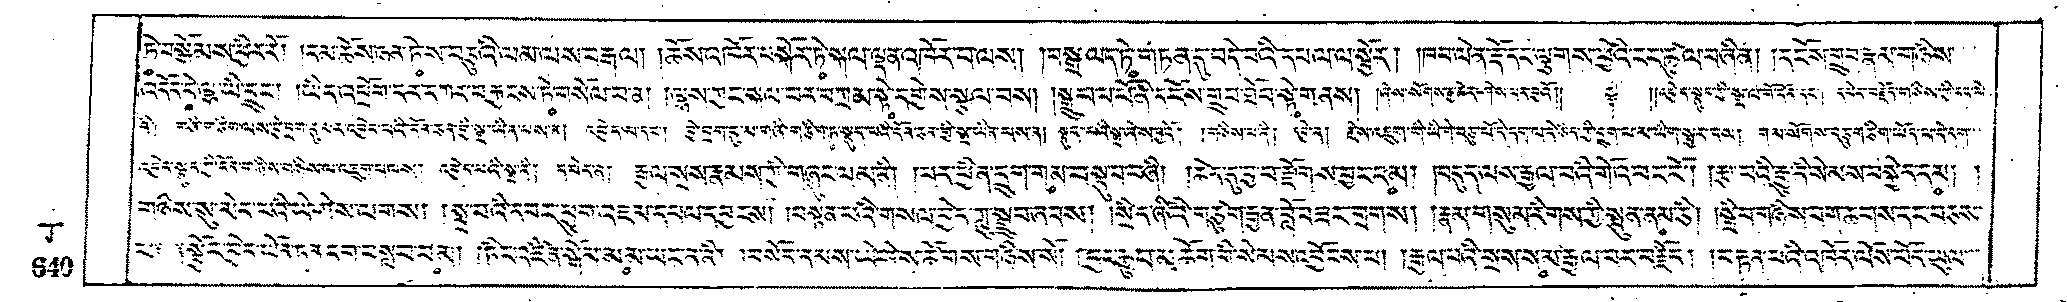ཏེ྾་བསྒོམས་ཕྱིར་རོ། །དམ་ཆོས་ཉན་ཏེ྾་ས་བཅུའི་ལམ་ལས་བརྒལ། །ཆོས་འཁོར་བསྐོར་ཏེ྾་སྐལ་ལྡན་འཁོར་བ་ལས། །བསྒྲལད་ཏེ྾་གཏན་དུ་བདེ་བའི་དཔལ་ལ་སྦྱོར། །ཁབ་ལེན་རྡོ་དང་ལྕགས་ཕྱེའི་ངང་ཚུལ་བཞིན། །དངོས་གྲུབ་རྣམ་གཉིས་་་
འདོད་དེ྾་ལྷ་ཡི་དྲུང་། །ཡིད་འཕྲོག་དར་དཀར་བརྐྱངས་ཏེ྾་གསོལ་བ་ན། །ལྷས་ཀྱང་སྐལ་བར་བཀྲམ་སྟེ྾་དགྱེས་སྩལ་བས། །སྒྲུབ་པ་པོ་ནི་དངོས་གྲུབ་ཐོབ་སྟེ྾་གནས། །ཞེས་སོགས་རྒྱ་ཆེར་ཤེས་པར་བྱའོ།། འ།།འབྱེད་སྡུད་ཀྱི་སྒྲ་ལ་གོ་དོན་དང་། དཔེར་བརྗོད་གཉིས་ཀྱི་དང་པོ་
ནི༑ གཞི་གཅིག་ལས་བྱེ་བྲག་དུ་མར་འབྱེད་པའི་དོན་ཅན་གྱི་སྒྲ་ཡིན་པས་ན། འབྱེད་པ་དང་། བྱེ་བྲག་དུ་མ་གཞི་གཅིག་ཏུ་སྡུད་པའི་དོན་ཅན་གྱི་སྒྲ་ཡིན་པས་ན། སྡུད་པའི་སྒྲ་ཞེས་བྱའོ། །གཉིས་པ་ནི། དབྱེ་ན། རྗེས་འཇུག་གི་ཡི་གེ་བཅུ་པོ་དེ་དག་ལ་དེ་ཉིད་ཀྱི་༑དྲུག་པ་མ་ཡིག་སྦྱར་བས། གམ་སྒོས་བཅུ་གཅིག་ཡོད་པ་དེ་དག་་་
འབྱེད་སྡུད་ཀྱི་དོན་གཉིས་གཉིས་ལ་འཇུག་པ་ལས། འབྱེད་པའི་སྒྲ་ནི། དཔེར་ན། རྒྱལ་སྲས་རྣམས་ཀྱི་གཞུང་ལམ་ནི། །ཕར་ཕྱིན་དྲུག་གམ྾་བསྡུ་བ་བཞི། །ཆེད་དུ་བྱ་བ་རྫོགས་བྱང་ངམ྾། །བདུད་ལས་རྒྱལ་བའི་གོ་འཕང་ངོ། །རྩ་བའི་རྒྱུ་ནི་སེམས་བསྐྱེད་དམ྾། །
གཉིས་སུ་མེད་པའི་ཡེ་ཤེས་ལགས། །སྨྲ་བའི་དབང་ཕྱུག་འཇམ་དཔལ་དབྱངས། །བསྟན་པའི་གསལ་བྱེད་ཀླུ་སྒྲུབ་ཞབས། །སྲིད་ཞིའི་གཙུག་རྒྱན་བློ་བཟང་གྲགས། །རྣམ་གསུམ་རིགས་ཀྱི་སྤུན་ནམ྾་ཅི། །སྒྲིབ་གཉིས་བག་ཆགས་དང་བཅས་
པ༑ ༑སྦྱོང་བྱེད་ཡོན་ཏན་དག་བསླབ་བམ྾། །ཏིང་འཛིན་སྒོམ་མམ྾་ཡང་ན་ནི། །བསོད་ནམས་ཡེ་ཤེས་ཚོགས་གཉིས་སོ། །བྱང་ཆུབ་མཆོག་གི་སེམས་འབྱོངས་པ། །རྒྱལ་བའི་སྲས་སམ྾་རྒྱལ་བར་བརྗོད། །བརྟན་པའི་འཁོར་ལོས་བོད་ཡུལ་་་